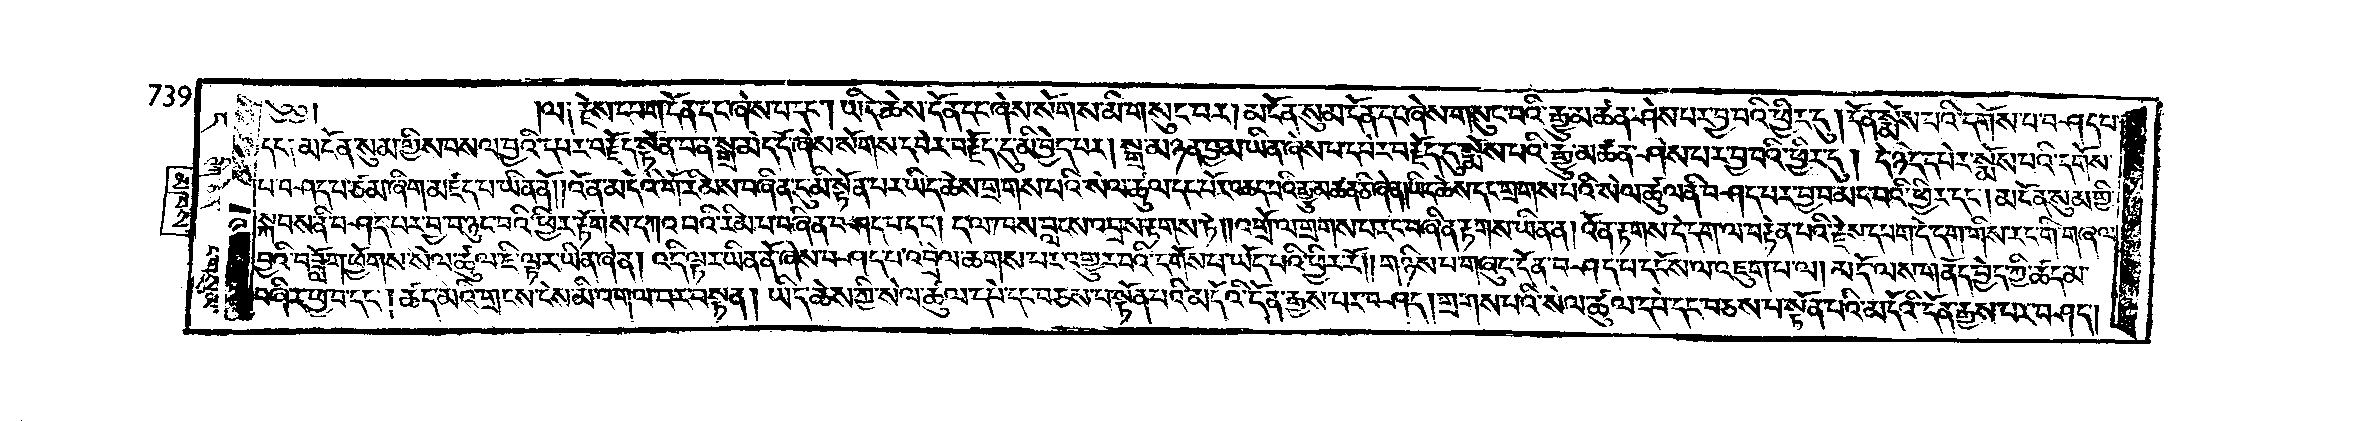༄༅། །ལ། རྗེས་དཔག་དོན་དང་ཞེས་པ་དང་། ཡིད་ཆེས་དོན་དང་ཞེས་སོགས་མི་གསུང་བར། མངོན་སུམ་དོན་དང་ཞེས་གསུང་བའི་རྒྱུ་མཚན་ཤེས་པར་བྱ་བའི་ཕྱིར་དུ། དོན་སྨོས་པའི་དགོས་པ་བཤད་པ་
དང་། མངོན་སུམ་གྱིས་བསལ་བྱའི་དཔེར་བརྗོད་སྟོན་པ་ན་སྒྲ་མེད་དོ་ཞེས་སོགས་དཔེར་བརྗོད་དུ་མི་བྱེད་པར། སྒྲ་མཉན་བྱ་མ་ཡིན་ཞེས་པ་དཔེར་བརྗོད་དུ་སྨོས་པའི་རྒྱུ་མཚན་ཤེས་པར་བྱ་བའི་ཕྱིར་དུ། དེ་ཉིད་དཔེར་སྨོས་པའི་དགོས་
པ་བཤད་པ་ཙམ་ཞིག་མཛད་པ་ཡིན་ནོ། །འོ་ན་མདོའི་གོ་རིམས་བཞིན་དུ་མི་སྟོན་པར་ཡིད་ཆེས་གྲགས་པའི་སེལ་ཚུལ་དང་པོར་འཆད་པའི་རྒྱུ་མཚན་ཅི་ཞེ་ན། །ཡིད་ཆེས་དང་གྲགས་པའི་སེལ་ཚུལ་ནི་བཤད་པར་བྱ་བ་མང་པའི་ཕྱིར་དང་། མངོན་སུམ་གྱི་
སྐབས་ནི་བཤད་པར་བྱ་བ་ཉུང་བའི་ཕྱིར་རྟོགས་དཀའ་བའི་རིམ་པ་བཞིན་བཤད་པ་དང་། དེ་ལ་ཁས་བླངས་འབྲས་རྟགས་ཏེ། །འགྲོ་ལ་གྲགས་པ་རང་བཞིན་རྟགས་ཡིན་ན། འོ་ན་རྟགས་དེ་དག་ལ་བརྟེན་པའི་རྗེས་དཔག་དེ་དག་གིས་རང་གི་གཞལ་
བྱའི་བཟློག་ཕྱོགས་སེལ་ཚུལ་ཇི་ལྟར་ཡིན་ཞེ་ན། འདི་ལྟར་ཡིན་ནོ་ཞེས་བཤད་པ་འབྲེལ་ཆགས་པར་འགྱུར་བའི་དགོས་པ་ཡོད་པའི་ཕྱིར་རོ། །གཉིས་པ་གཞུང་དོན་བཤད་པ་དངོས་ལ་འཇུག་པ་ལ། མདོ་ལས་གནོད་བྱེད་ཀྱི་ཚད་མ་
བཞིར་ཕྱེ་བ་དང་། ཚད་མའི་གྲངས་ངེས་མི་འགལ་བར་བསྟན། ཡིད་ཆེས་ཀྱི་སེལ་ཚུལ་དཔེ་དང་བཅས་པ་སྟོན་པའི་མདོའི་དོན་རྒྱས་པར་བཤད། གྲགས་པའི་སེལ་ཚུལ་དཔེ་དང་བཅས་པ་སྟོན་པའི་མདོའི་དོན་རྒྱས་པར་བཤད།